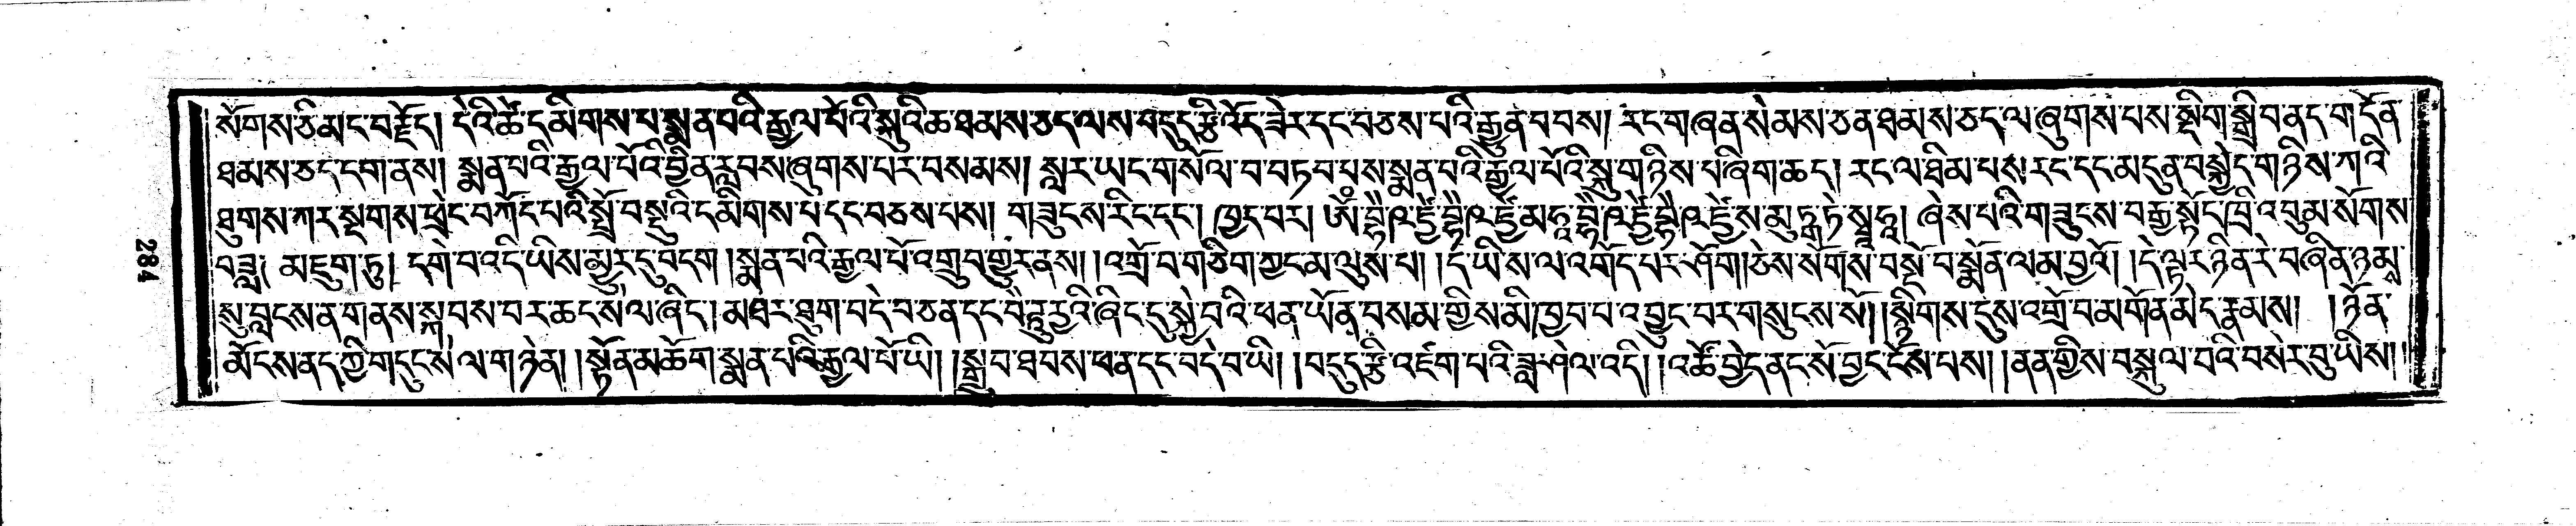སོགས་ཅི་མང་བརྗོད། དེའི་ཚེ་དམིགས་པ་སྨན་པའི་རྒྱལ་པོའི་སྐུའི་ཆ་ཐམས་ཅད་ལས་བདུད་རྩི་འོད་ཟེར་དང་བཅས་པའི་རྒྱུན་བབས། རང་གཞན་སེམས་ཅན་ཐམས་ཅད་ལ་ཞུགས་པས་སྡིག་སྒྲིབ་ནད་གདོན་
ཐམས་ཅད་དག་ནས། སྨན་པའི་རྒྱལ་པོའི་བྱིན་རླབས་ཞུགས་པར་བསམས། སླར་ཡང་གསོལ་བ་བཏབ་པས་སྨན་པའི་རྒྱལ་པོའི་སྐུ་གཉིས་པ་ཞིག་ཆད། རང་ལ་ཐིམ་པས་རང་དང་མདུན་བསྐྱེད་གཉིས་ཀའི་
ཐུགས་ཀར་སྔགས་ཕྲེང་བཀོད་པའི་སྤྲོ་བསྡུའི་དམིགས་པ་དང་བཅས་པས། གཟུངས་རིང་དང་། ཁྱད་པར། ཨོཾ་བྷཻ་ཥ་ཛྱེ་བྷཻ་ཥ་ཛྱེ་མཧཱ་བྷཻ་ཥ་ཛྱེ་བྷཻ་ཥ་ཛྱེ་ས་མུཏྒ་ཏེ་སྭཱཧཱ། ཞེས་པའི་གཟུངས་བརྒྱ་སྟོང་ཁྲི་འབུམ་སོགས་
བཟླ༑ མཇུག་ཏུ། དགེ་བ་འདི་ཡིས་མྱུར་དུ་བདག །སྨན་པའི་རྒྱལ་པོ་འགྲུབ་གྱུར་ནས། །འགྲོ་བ་གཅིག་ཀྱང་མ་ལུས་པ། །དེ་ཡི་ས་ལ་འགོད་པར་ཤོག །ཅེས་སོགས་བསྔོ་བ་སྨོན་ལམ་བྱའོ། །དེ་ལྟར་ཉིན་རེ་བཞིན་ཉམས་
སུ་བླངས་ན་གནས་སྐབས་བར་ཆད་སེལ་ཞིང་། མཐར་ཐུག་བདེ་བ་ཅན་དང་བཻ་ཌཱུརྱའི་ཞིང་དུ་སྐྱེ་བའི་ཕན་ཡོན་བསམ་གྱིས་མི་ཁྱབ་པ་འབྱུང་བར་གསུངས་སོ། །སྙིགས་དུས་འགྲོ་བ་མགོན་མེད་རྣམས། །ཉོན་
མོངས་ནད་ཀྱི་གདུང་སེལ་གཉེན། །སྟོན་མཆོག་སྨན་པའི་རྒྱལ་པོ་ཡི། །སྒྲུབ་ཐབས་ཕན་དང་བདེ་བ་ཡི། །བདུད་རྩི་འཛག་པའི་ཟླ་ཤེལ་འདི། །འཚོ་བྱེད་ནང་སོ་བྱང་ངོས་པས། །ནན་གྱིས་བསྐུལ་བའི་བསེར་བུ་ཡིས། །